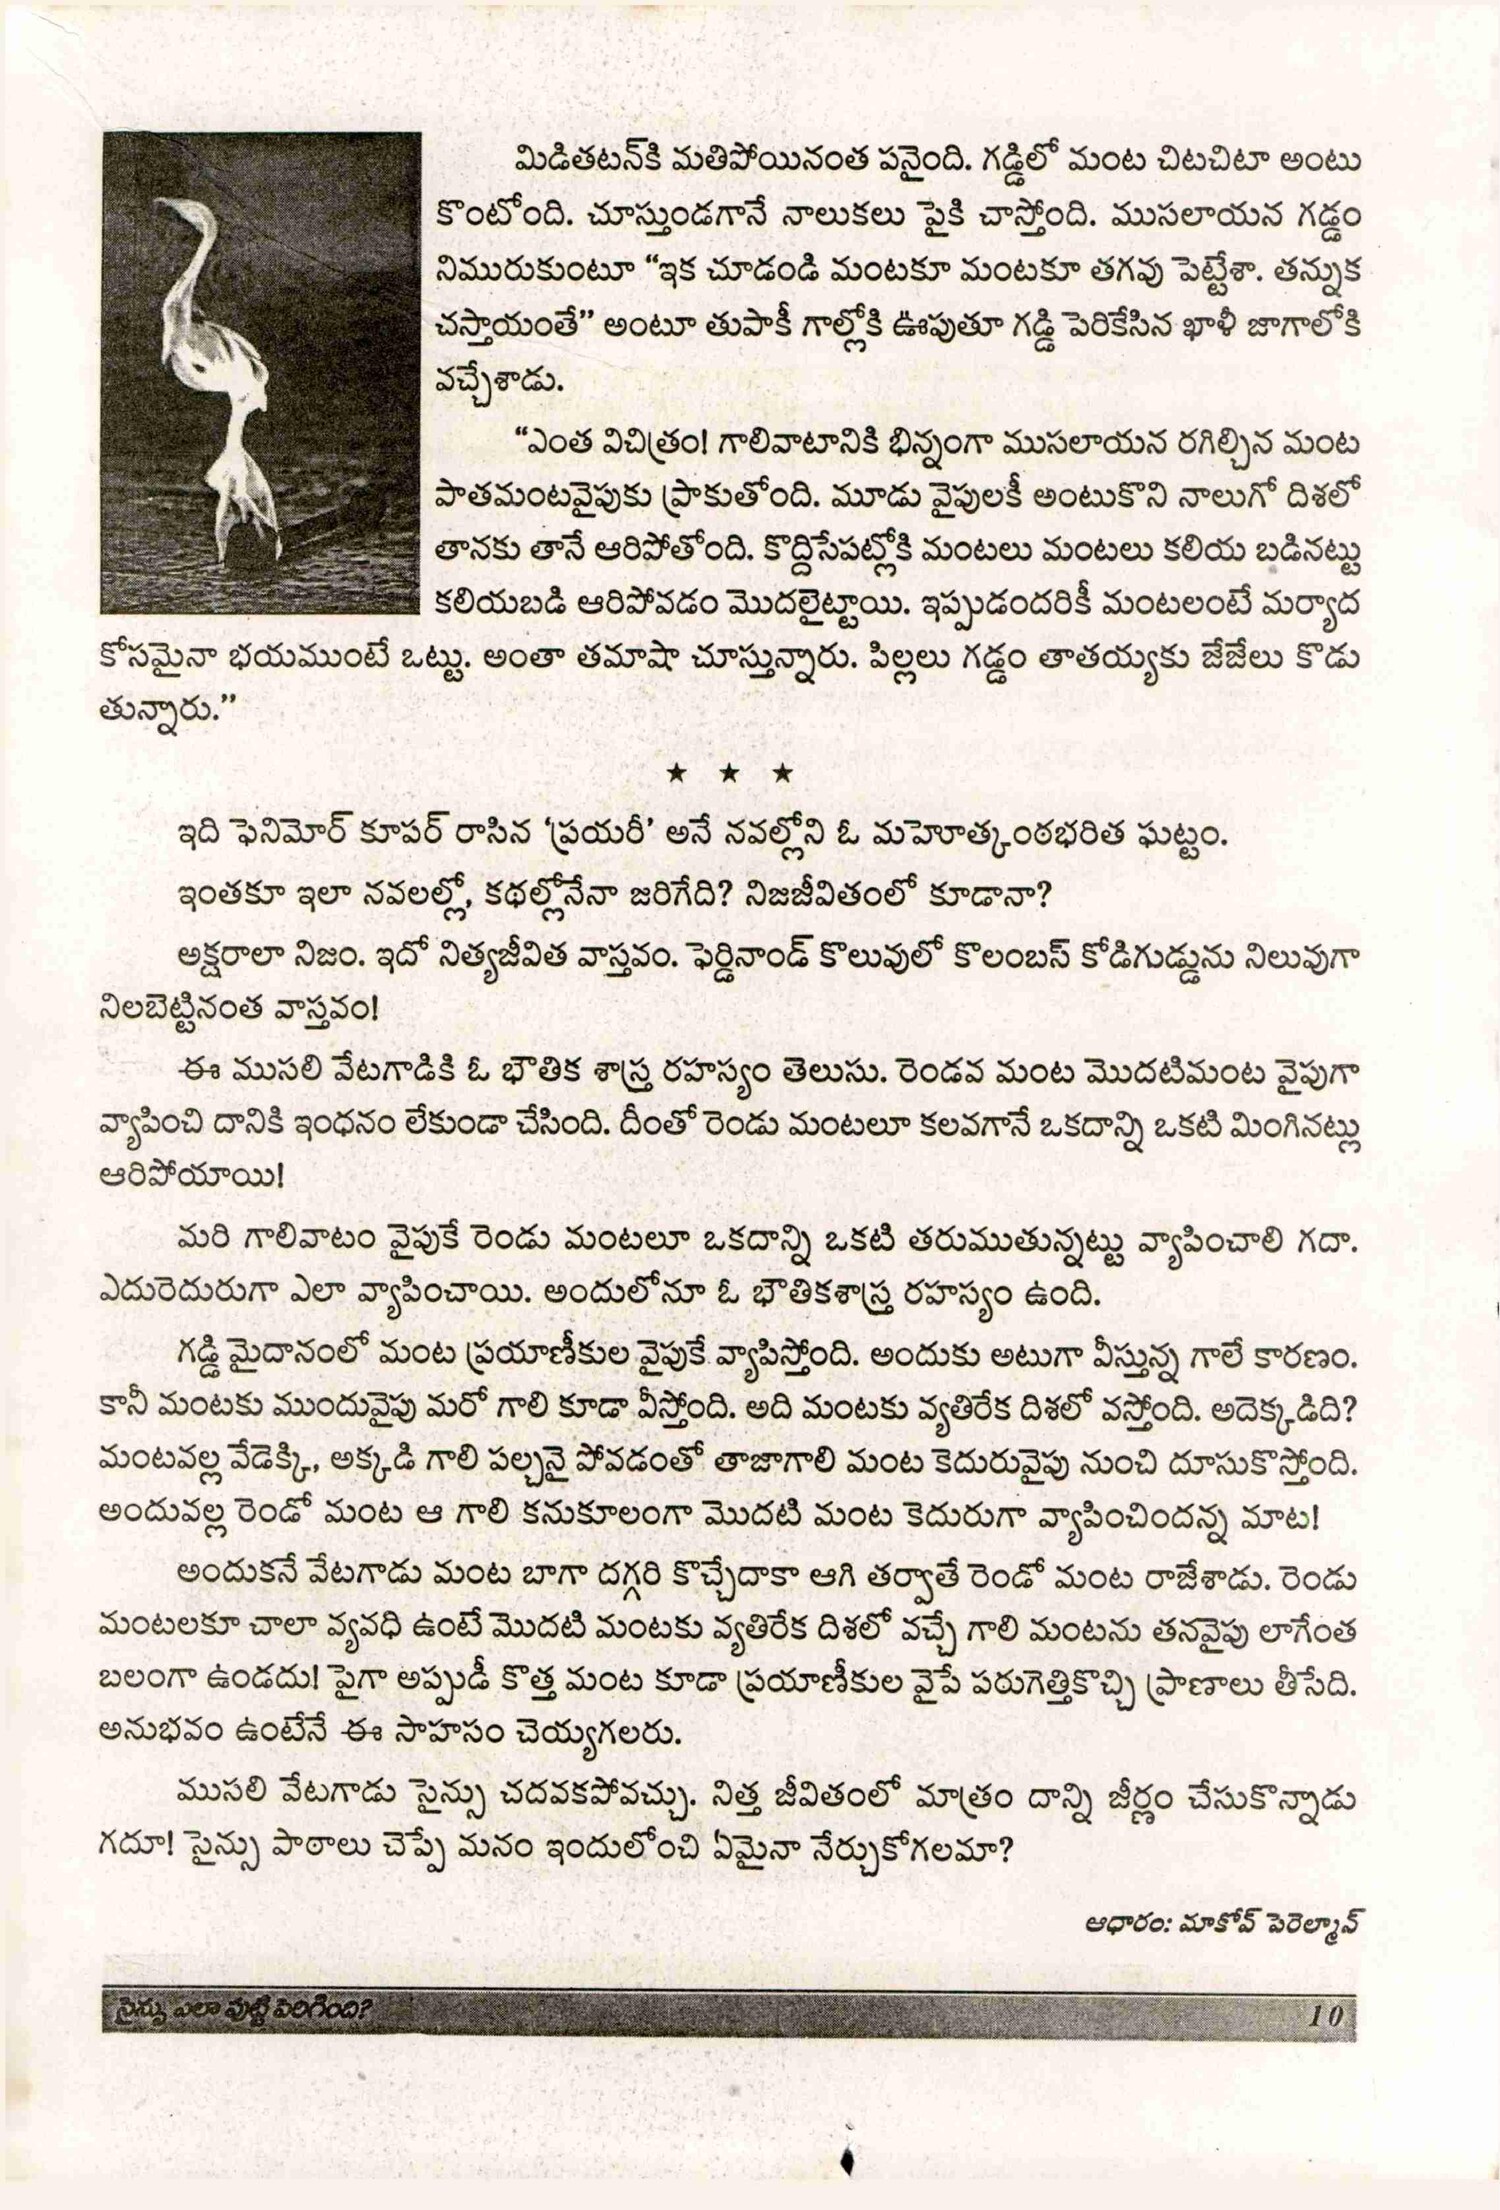మిడితటన్‌కి మతిపోయినంత పనైంది. గడ్డిలో మంట చిటచిటా అంటుకొంటోంది. చూస్తుండగానే నాలుకలు పైకి చాస్తోంది. ముసలాయన గడ్డం నిమురుకుంటూ "ఇక చూడండి మంటకూ మంటకూ తగవు పెట్టేశా. తన్నుక
చస్తాయంతే” అంటూ తుపాకీ గాల్లోకి ఊపుతూ గడ్డి పెరికేసిన ఖాళీ జాగాలోకి వచ్చేశాడు.

“ఎంత విచిత్రం! గాలివాటానికి భిన్నంగా ముసలాయన రగిల్చిన మంట పాతమంటవైపుకు ప్రాకుతోంది. మూడు వైపులకీ అంటుకొని నాలుగో దిశలో తానకు తానే ఆరిపోతోంది. కొద్దిసేపట్లోకి మంటలు మంటలు కలియ బడినట్టు
కలియబడి ఆరిపోవడం మొదలైట్టాయి. ఇప్పుడందరికీ మంటలంటే మర్యాదకోసమైనా భయముంటే ఒట్టు. అంతా తమాషా చూస్తున్నారు. పిల్లలు గడ్డం తాతయ్యకు జేజేలు కొడుతున్నారు.”

ఇది ఫెనిమోర్ కూపర్ రాసిన 'ప్రయరీ' అనే నవల్లోని ఓ మహోత్కంఠభరిత ఘట్టం.

ఇంతకూ ఇలా నవలల్లో, కథల్లోనేనా జరిగేది? నిజజీవితంలో కూడానా?

అక్షరాలా నిజం. ఇదో నిత్యజీవిత వాస్తవం. ఫెర్డినాండ్ కొలువులో కొలంబస్ కోడిగుడ్డును నిలువుగా నిలబెట్టినంత వాస్తవం!

ఈ ముసలి వేటగాడికి ఓ భౌతిక శాస్త్ర రహస్యం తెలుసు. రెండవ మంట మొదటిమంట వైపుగా వ్యాపించి దానికి ఇంధనం లేకుండా చేసింది. దీంతో రెండు మంటలూ కలవగానే ఒకదాన్ని ఒకటి మింగినట్లుఆరిపోయాయి!

మరి గాలివాటం వైపుకే రెండు మంటలూ ఒకదాన్ని ఒకటి తరుముతున్నట్టు వ్యాపించాలి గదా. ఎదురెదురుగా ఎలా వ్యాపించాయి. అందులోనూ ఓ భౌతికశాస్త్ర రహస్యం ఉంది.

గడ్డి మైదానంలో మంట ప్రయాణీకుల వైపుకే వ్యాపిస్తోంది. అందుకు అటుగా వీస్తున్న గాలే కారణం. కానీ మంటకు ముందువైపు మరో గాలి కూడా వీస్తోంది. అది మంటకు వ్యతిరేక దిశలో వస్తోంది. అదెక్కడిది? మంటవల్ల వేడెక్కి, అక్కడి గాలి పల్చనై పోవడంతో తాజాగాలి మంట కెదురువైపు నుంచి దూసుకొస్తోంది. అందువల్ల రెండో మంట ఆ గాలి కనుకూలంగా మొదటి మంట కెదురుగా వ్యాపించిందన్న మాట!

అందుకనే వేటగాడు మంట బాగా దగ్గరి కొచ్చేదాకా ఆగి తర్వాతే రెండో మంట రాజేశాడు. రెండు మంటలకూ చాలా వ్యవధి ఉంటే మొదటి మంటకు వ్యతిరేక దిశలో వచ్చే గాలి మంటను తనవైపు లాగేంత బలంగా ఉండదు! పైగా అప్పుడీ కొత్త మంట కూడా ప్రయాణీకుల వైపే పరుగెత్తికొచ్చి ప్రాణాలు తీసేది. అనుభవం ఉంటేనే ఈ సాహసం చెయ్యగలరు.

ముసలి వేటగాడు సైన్సు చదవకపోవచ్చు. నిత్త జీవితంలో మాత్రం దాన్ని జీర్ణం చేసుకొన్నాడు గదూ! సైన్సు పాఠాలు చెప్పే మనం ఇందులోంచి ఏమైనా నేర్చుకోగలమా?